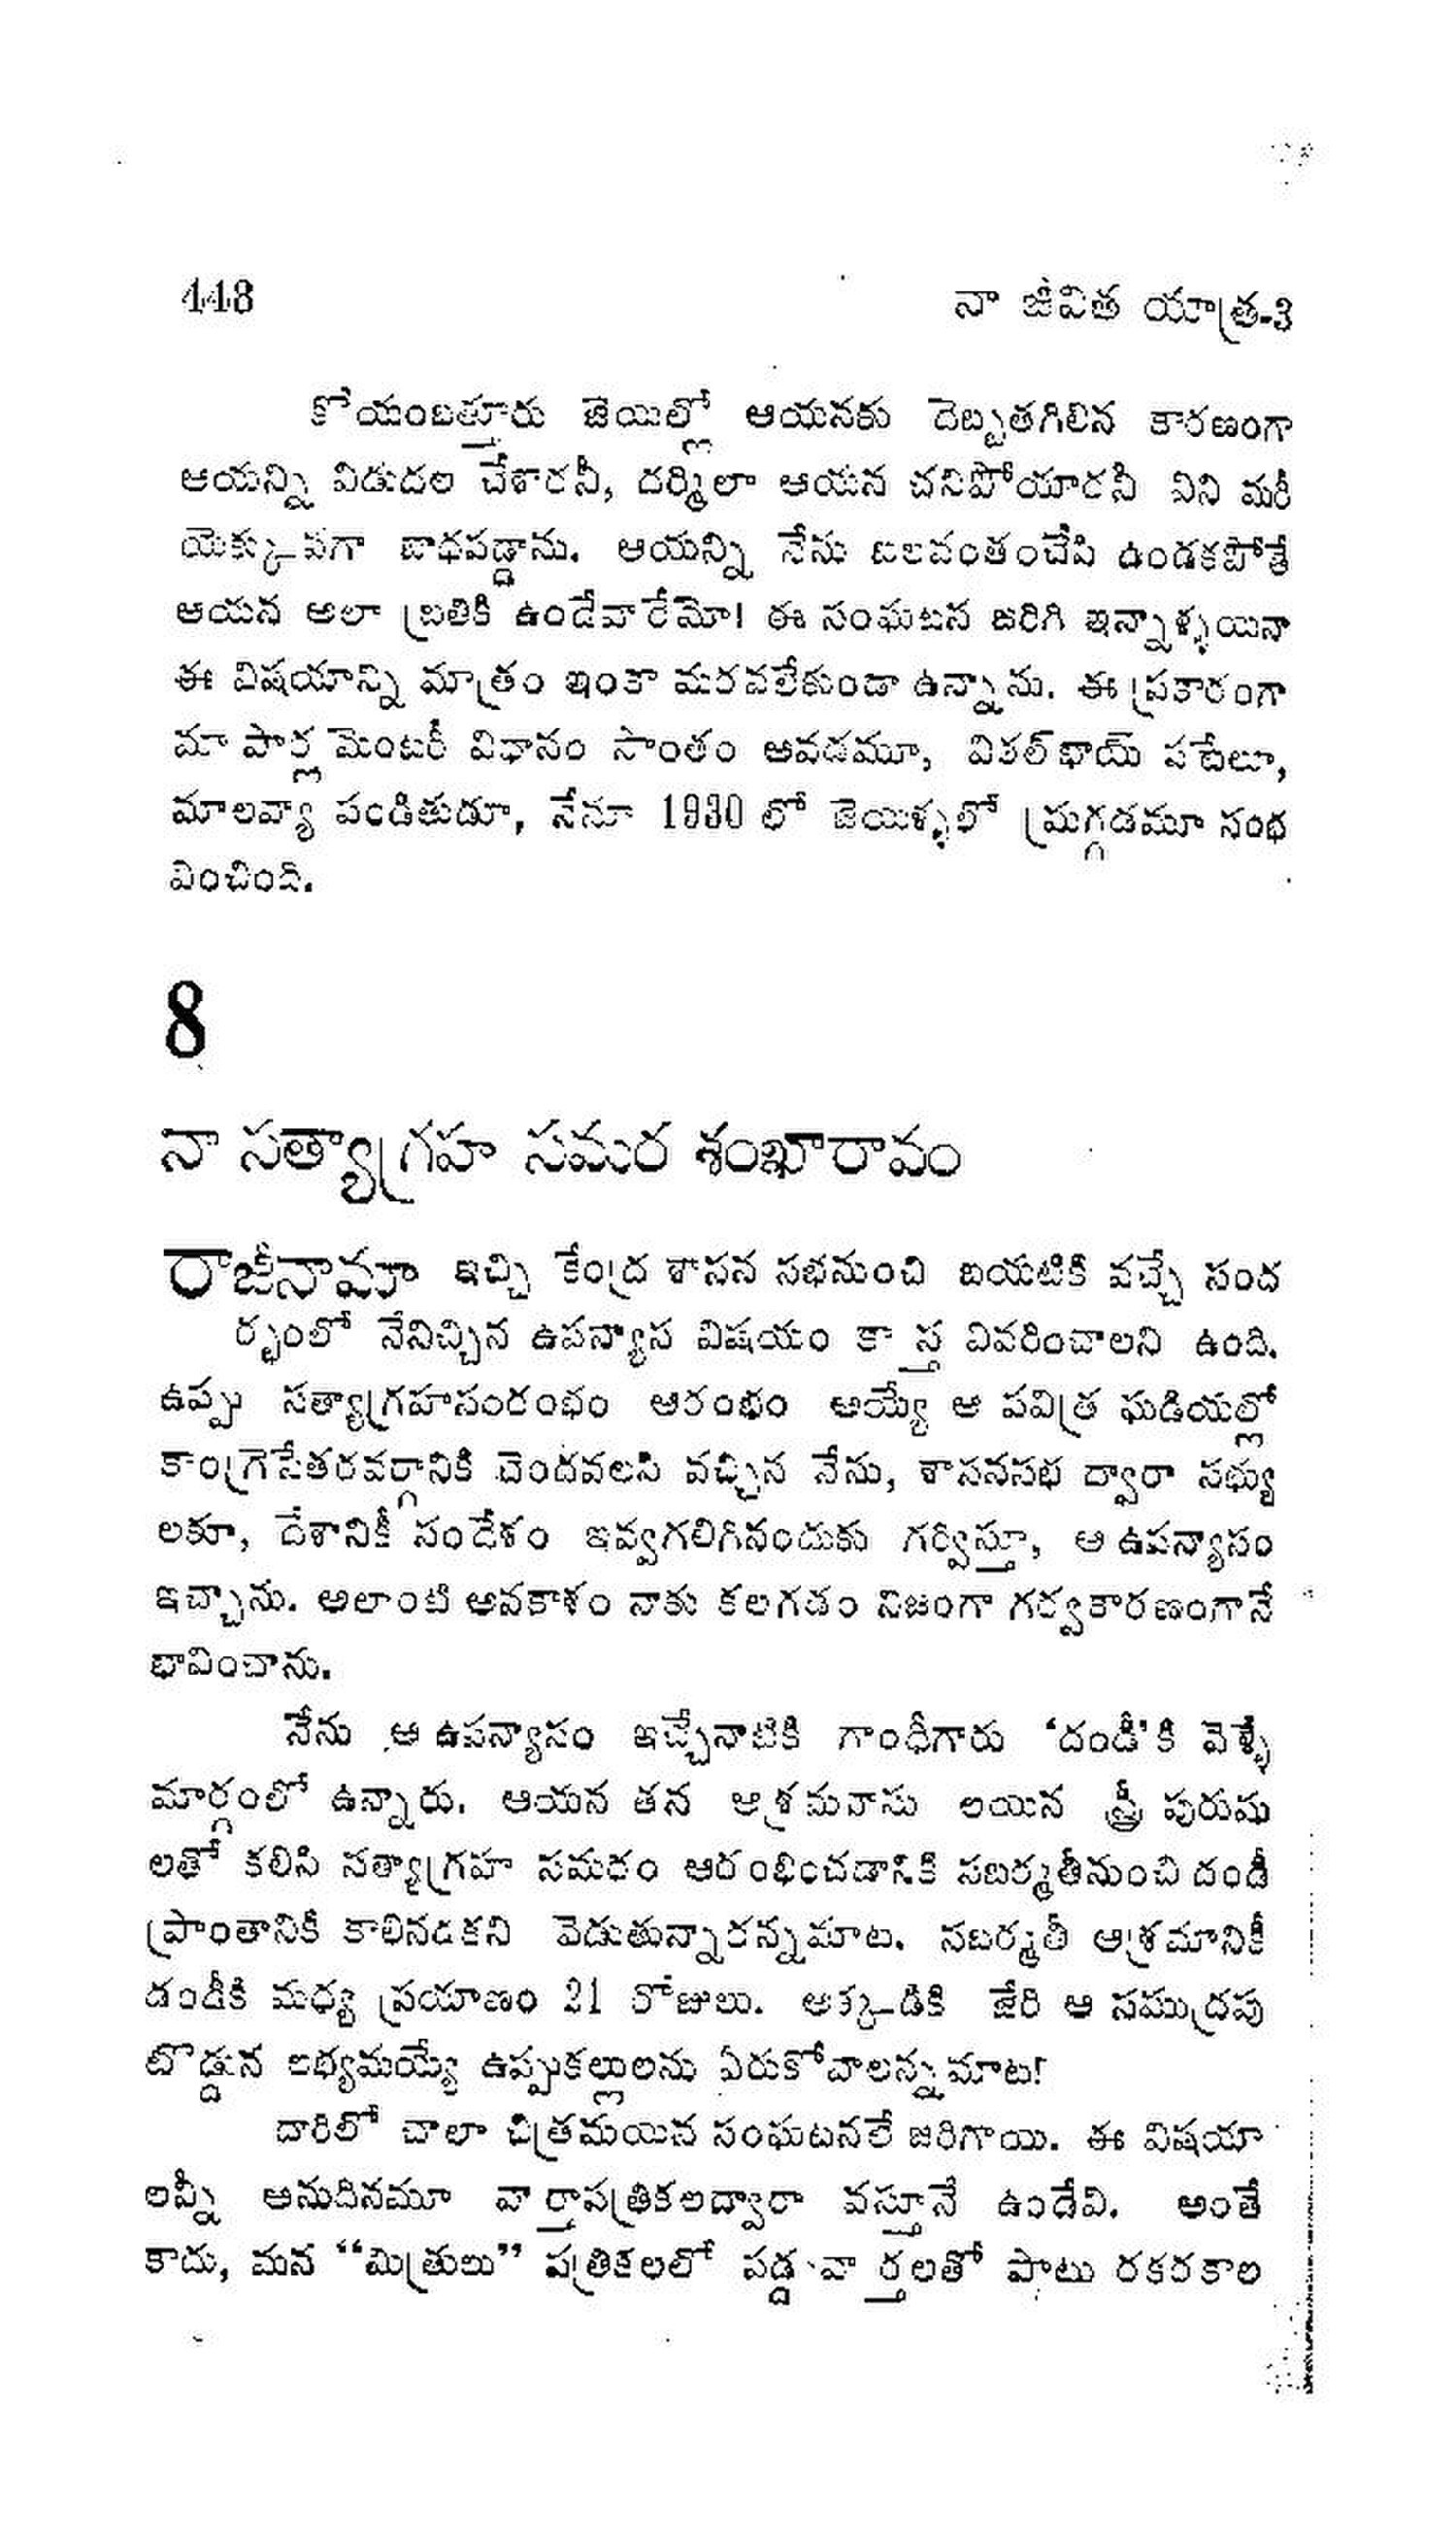కోయంబత్తూరు జెయిల్లో ఆయనకు దెబ్బతగిలిన కారణంగా ఆయన్ని విడుదల చేశారనీ, దర్మిలా ఆయన చనిపోయారనీ విని మరీ యెక్కువగా బాధపడ్డాను. ఆయన్ని నేను బలవంతంచేసి ఉండకపోతే ఆయన అలా బ్రతికి ఉండేవారేమో! ఈ సంఘటన జరిగి ఇన్నాళ్ళయినా ఈ విషయాన్ని మాత్రం ఇంకా మరవలేకుండా ఉన్నాను. ఈ ప్రకారంగా మా పార్ల మెంటరీ విధానం సాంతం అవడమూ, విఠల్‌భాయ్ పటేలూ, మాలవ్యా పండితుడూ, నేనూ 1930 లో జెయిళ్ళలో మ్రగ్గడమూ సంభవించింది.

రాజీనామా ఇచ్చి కేంద్ర శాసన సభనుంచి బయటికి వచ్చే సందర్భంలో నేనిచ్చిన ఉపన్యాస విషయం కాస్త వివరించాలని ఉంది. ఉప్పు సత్యాగ్రహసంరంభం ఆరంభం అయ్యే ఆ పవిత్ర ఘడియల్లో కాంగ్రెసేతరవర్గానికి చెందవలసి వచ్చిన నేను, శాసనసభ ద్వారా సభ్యులకూ, దేశానికీ సందేశం ఇవ్వగలిగినందుకు గర్విస్తూ, ఆ ఉపన్యాసం ఇచ్చాను. అలాంటి అవకాశం నాకు కలగడం నిజంగా గర్వకారణంగానే భావించాను.

నేను ఆ ఉపన్యాసం ఇచ్చేనాటికి గాంధీగారు 'దండీ'కి వెళ్ళే మార్గంలో ఉన్నారు. ఆయన తన ఆశ్రమవాసు లయిన స్త్రీ పురుషులతో కలిసి సత్యాగ్రహ సమరం ఆరంభించడానికి సబర్మతీనుంచి దండీప్రాంతానికి కాలినడకని వెడుతున్నారన్నమాట. సబర్మతీ ఆశ్రమానికీ దండీకి మధ్య ప్రయాణం 21 రోజులు. అక్కడికి జేరి అ సముద్రపు టొడ్డున లభ్యమయ్యే ఉప్పుకల్లులను ఏరుకోవాలన్నమాట!

దారిలో చాలా చిత్రమయిన సంఘటనలే జరిగాయి. ఈ విషయాలన్నీ అనుదినమూ వార్తాపత్రికలద్వారా వస్తూనే ఉండేవి. అంతే కాదు, మన "మిత్రులు" పత్రికలలో పడ్డ వార్తలతో పాటు రకరకాల